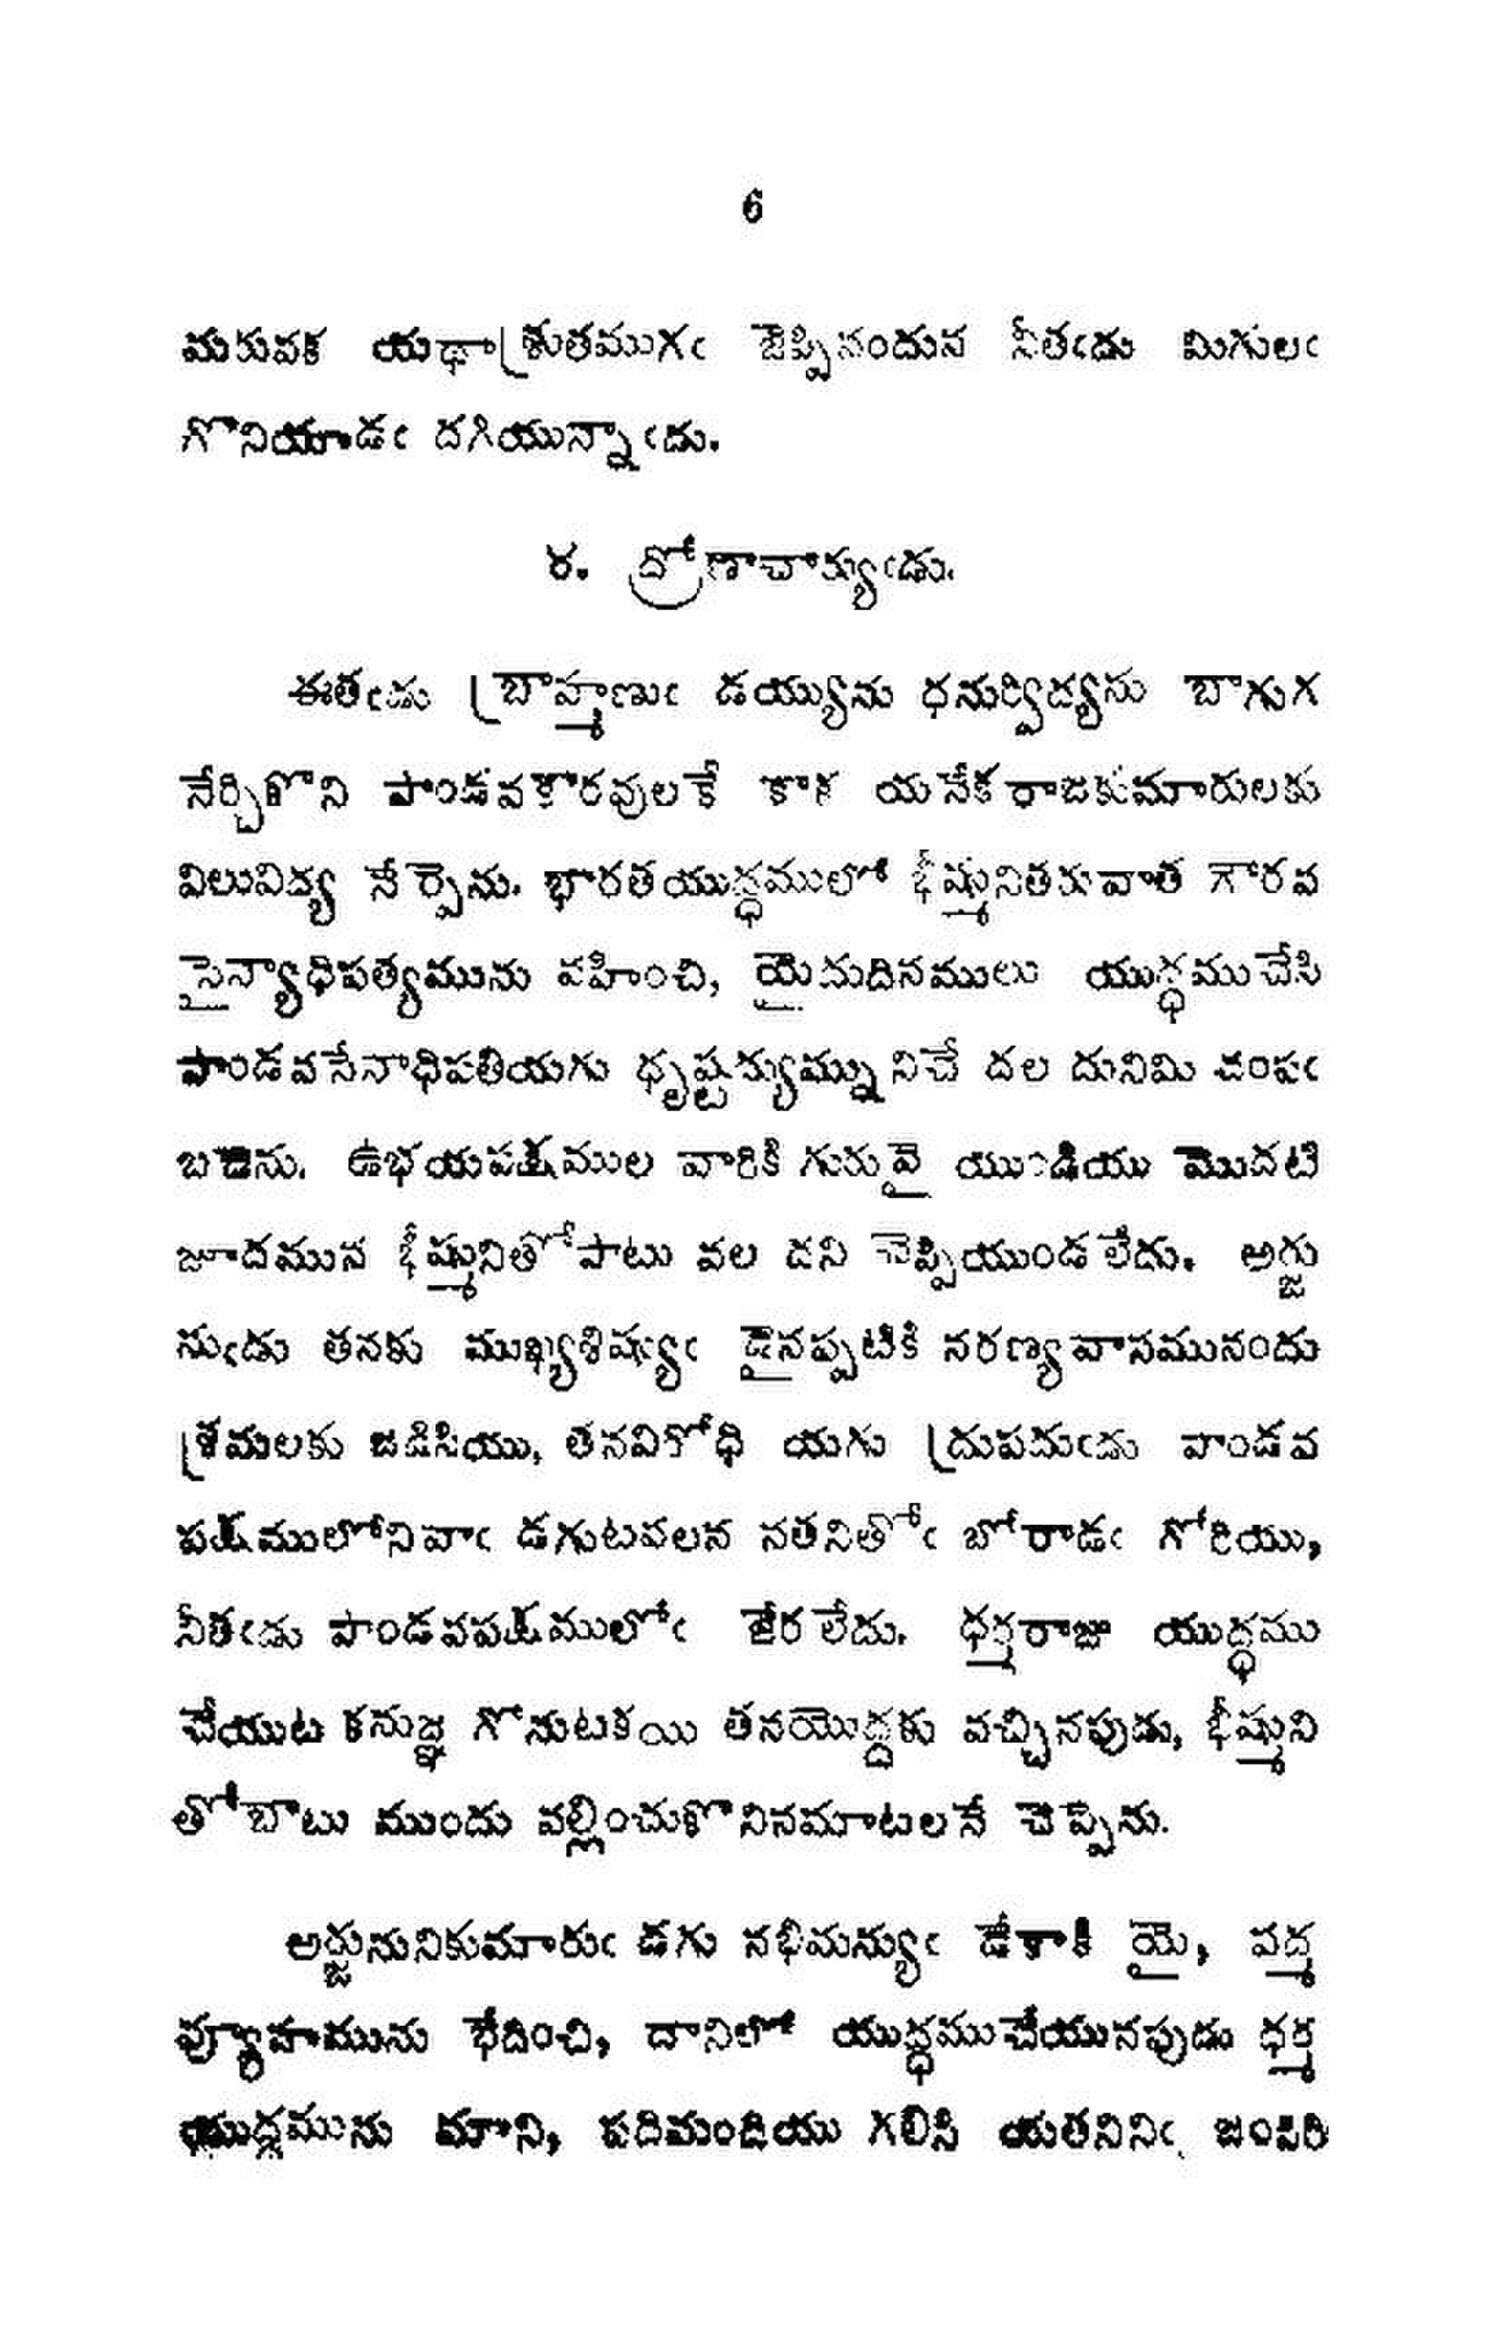మరువక యథాశ్రుతముగఁ జెప్పినందున నీతఁడు మిగులఁ గొనియాడఁ దగియున్నాఁడు.

ఈతఁడు బ్రాహ్మణుఁ డయ్యును ధనుర్విద్యను బాగుగ నేర్చికొని పాండవకౌరవులకే కాక యనేక రాజకుమారులకు విలువిద్య నేర్పెను. భారతయుద్ధములో భీష్మునితరువాత గౌరవ సైన్యాధిపత్యమును వహించి, యైదుదినములు యుద్ధముచేసి పాండవసేనాధిపతియగు ధృష్టద్యుమ్నునిచే దల దునిమి చంపఁబడెను. ఉభయపక్షముల వారికి గురువై యుండియు మొదటి జూదమున భీష్మునితోపాటు వల దని చెప్పియుండలేదు. అర్జునుఁడు తనకు ముఖ్యశిష్యుఁ డైనప్పటికి నరణ్య వాసమునందు
శ్రమలకు జడిసియు, తనవిరోధి యగు ద్రుపదుఁడు పాండవపక్షములోనివాఁ డగుటవలన నతనితోఁ బోరాడఁ గోరియు, నీతఁడు పాండవపక్షములోఁ జేరలేదు. ధర్మరాజు యుద్ధముచేయుట కనుజ్ఞ గొనుటకయి తనయొద్దకు వచ్చినపుడు, భీష్మునితోబాటు ముందు వల్లించుకొనినమాటలనే చెప్పెను.

అర్జునునికుమారుఁ డగు నభిమన్యుఁ డేకాకి యై, పద్మ వ్యూహమును భేదించి, దానిలో యుద్ధము చేయునపుడు ధర్మ యుద్దమును మాని, పదిమందియు గలిసి యతనినిఁ జంపిరి